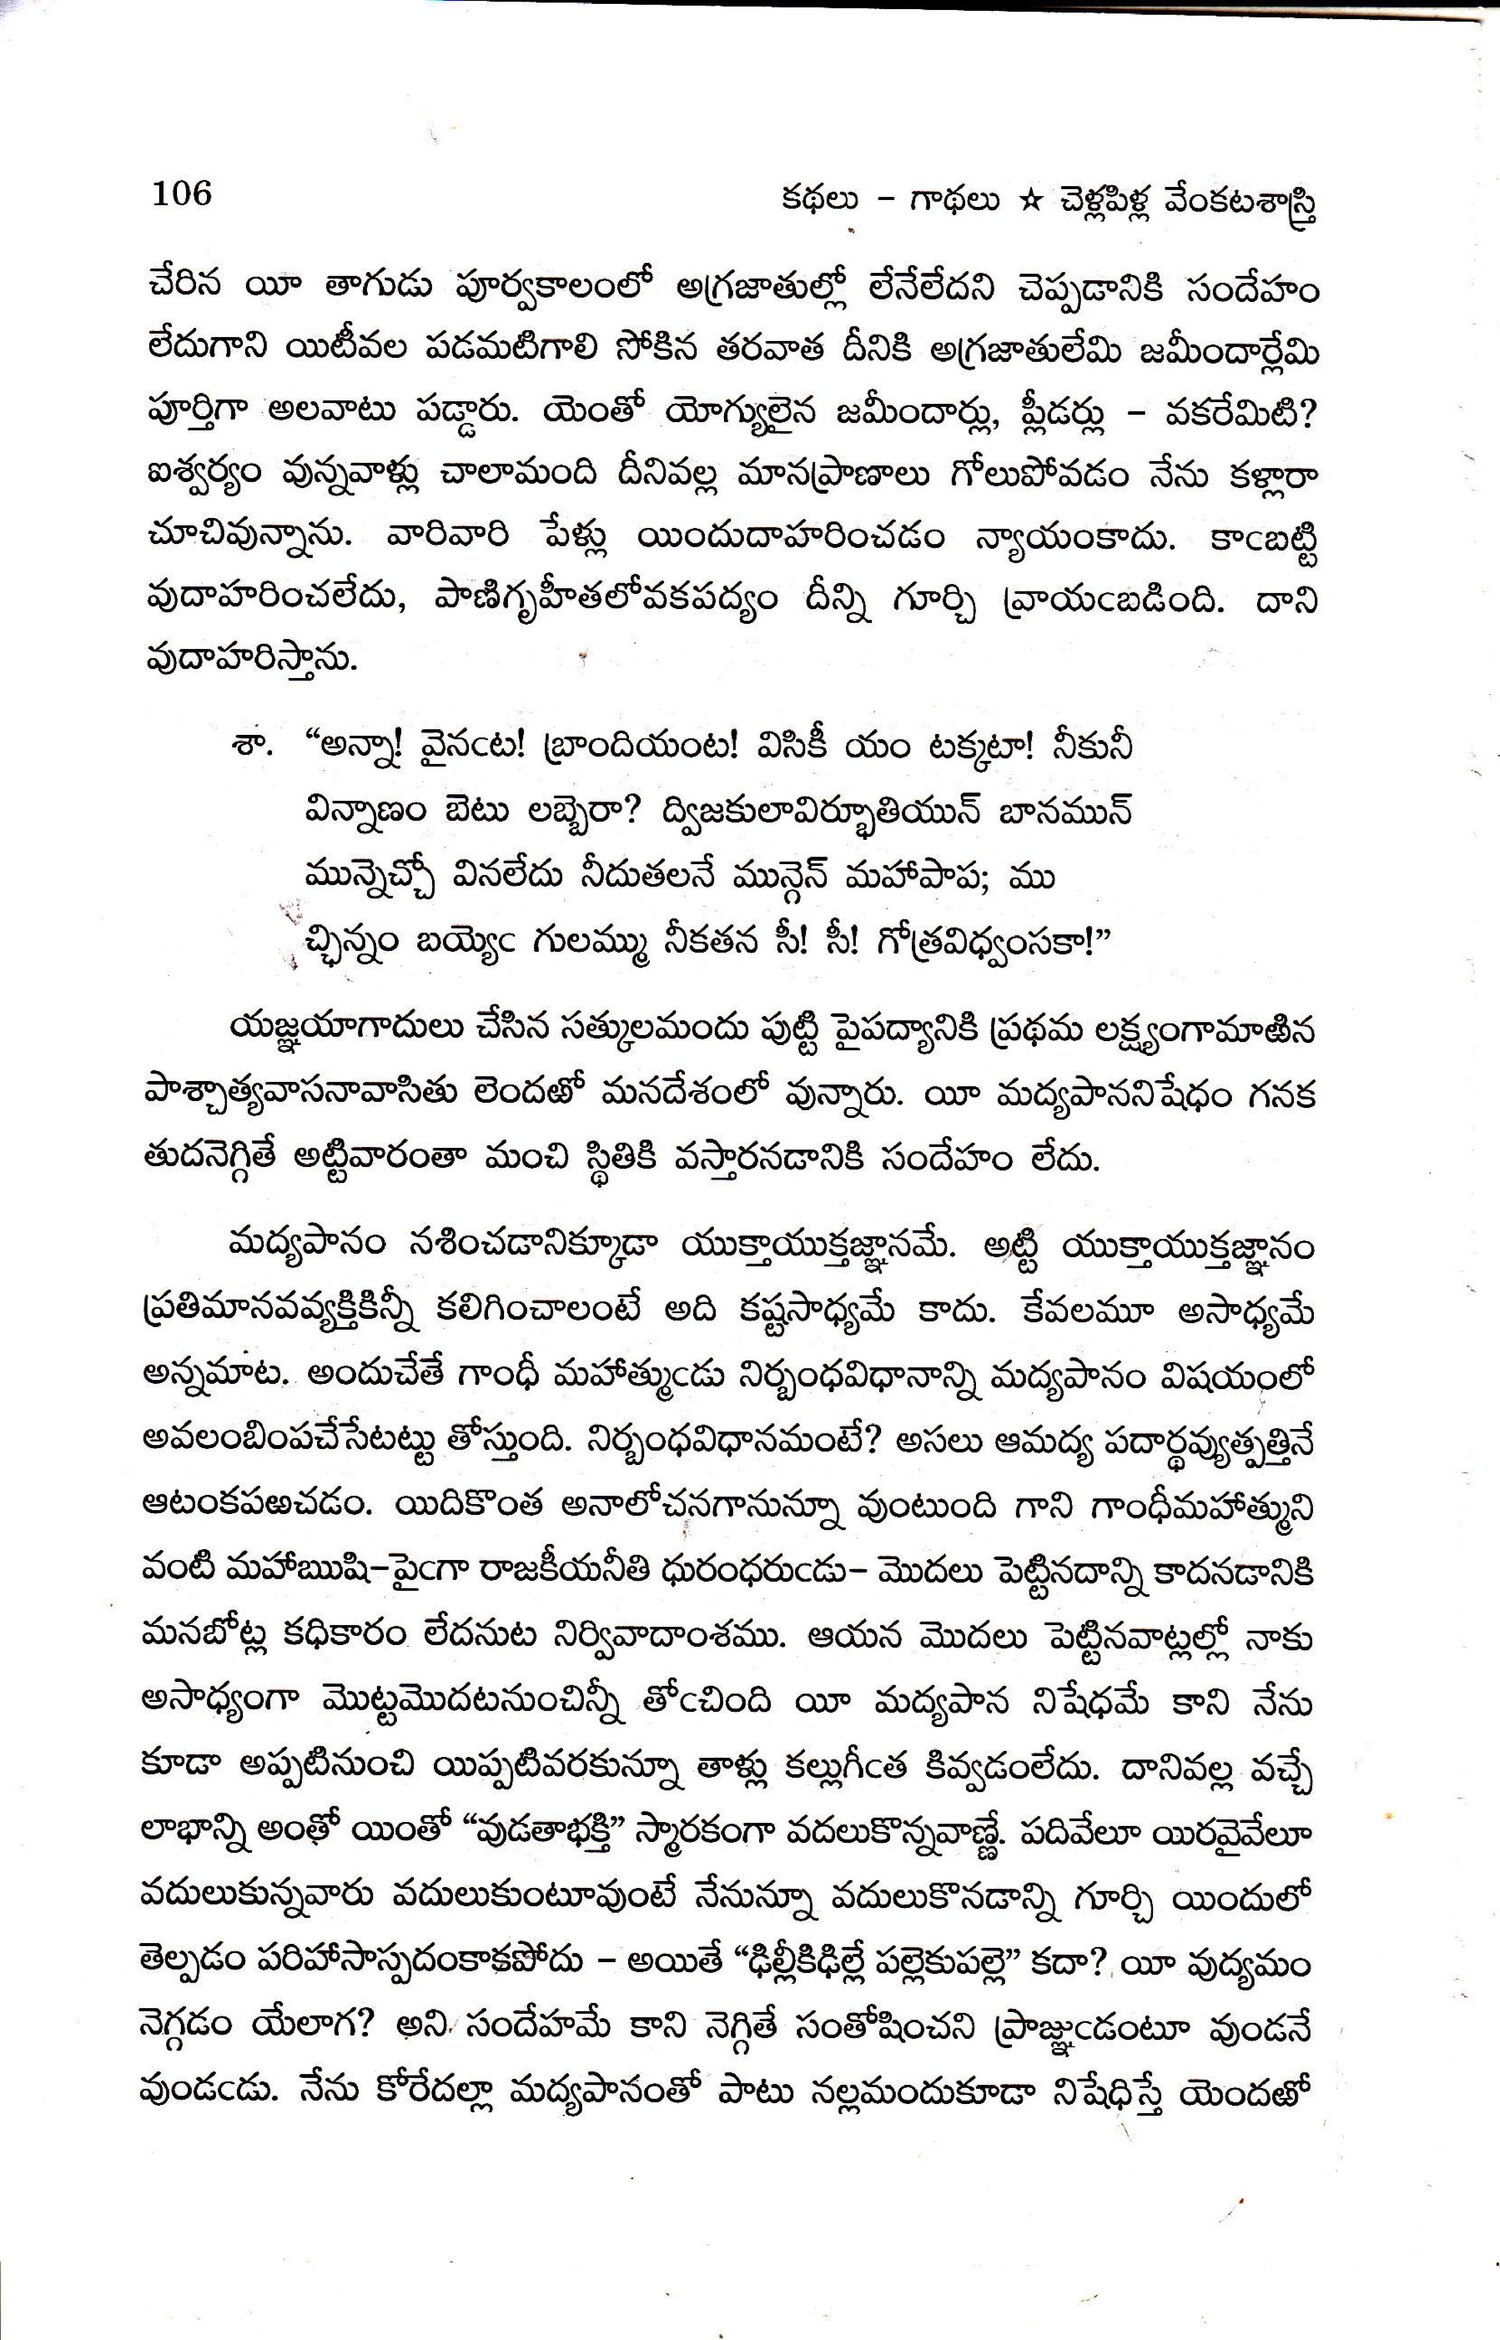చేరిన యీ తాగుడు పూర్వకాలంలో అగ్రజాతుల్లో లేనేలేదని చెప్పడానికి సందేహం లేదుగాని యిటీవల పడమటిగాలి సోకిన తరవాత దీనికి అగ్రజాతులేమి జమీందార్లేమి పూర్తిగా అలవాటు పడ్డారు. యెంతో యోగ్యులైన జమీందార్లు, ప్లీడర్లు - వకరేమిటి? ఐశ్వర్యం వున్నవాళ్లు చాలామంది దీనివల్ల మానప్రాణాలు గోలుపోవడం నేను కళ్లారా చూచివున్నాను. వారివారి పేళ్లు యిందుదాహరించడం న్యాయంకాదు. కాcబట్టి వుదాహరించలేదు, పాణిగృహీతలోవకపద్యం దీన్ని గూర్చి వ్రాయంబడింది. దాని వుదాహరిస్తాను. ---
శా. "అన్నా వైనంట! బ్రాందియంట! విసికీ యం టక్కటా! నీకునీ 
విన్నాణం బెటు లబ్బెరా? ద్విజకులావిర్భూతియున్ బానమున్ 
మున్నెచ్చో వినలేదు నీదుతలనే మున్జెన్ మహాపాప; ము 
చ్ఛిన్నం బయ్యెఁ గులమ్మ నీకతన సీ! సీ! గోత్రవిధ్వంసకా!"
యజ్ఞయాగాదులు చేసిన సత్కులమందు పుట్టి పైపద్యానికి ప్రథమ లక్ష్యంగామాటిన పాశ్చాత్యవాసనావాసితు లెందలో మనదేశంలో వున్నారు. యీ మద్యపాననిషేధం గనక తుదనెగ్గితే అట్టివారంతా మంచి స్థితికి వస్తారనడానికి సందేహం లేదు.

మద్యపానం నశించడానిక్కూడా యుక్తాయుక్తజ్ఞానమే. అట్టి యుక్తాయుక్తజ్ఞానం ప్రతిమానవవ్యక్తికిన్నీ కలిగించాలంటే అది కష్టసాధ్యమే కాదు. కేవలమూ అసాధ్యమే అన్నమాట. అందుచేతే గాంధీ మహాత్ముండు నిర్బంధవిధానాన్ని మద్యపానం విషయంలో అవలంబింపచేసేటట్టు తోస్తుంది. నిర్బంధవిధానమంటే? అసలు ఆమద్య పదార్థవ్యత్పత్తినే ఆటంకపఱచడం. యిదికొంత అనాలోచనగానున్నూ వుంటుంది గాని గాంధీమహాత్ముని వంటి మహాఋషి-పైCగా రాజకీయనీతి ధురంధరుడు- మొదలు పెట్టినదాన్ని కాదనడానికి మనబోట్ల కధికారం లేదనుట నిర్వివాదాంశము. ఆయన మొదలు పెట్టినవాట్లల్లో నాకు అసాధ్యంగా మొట్టమొదటనుంచిన్నీ తోcచింది యీ మద్యపాన నిషేధమే కాని నేను కూడా అప్పటినుంచి యిప్పటివరకున్నూ తాళ్లు కల్లుగీత కివ్వడంలేదు. దానివల్ల వచ్చే లాభాన్ని అంతో యింతో “వుడతాభక్తి స్మారకంగా వదలుకొన్నవాణ్ణి. పదివేలూ యిరవైవేలూ వదులుకున్నవారు వదులుకుంటూవుంటే నేనున్నూ వదులుకొనడాన్ని గూర్చి యిందులో తెల్పడం పరిహాసాస్పదంకాకపోదు - అయితే “ఢిల్లీకిఢిల్లే పల్లెకుపల్లె కదా? యీ వుద్యమం నెగ్గడం యేలాగ? అని సందేహమే కాని నెగ్గితే సంతోషించని ప్రాజ్ఞండంటూ వుండనే వుండండు. నేను కోరేదల్లా మద్యపానంతో పాటు నల్లమందుకూడా నిషేధిస్తే యెందటో